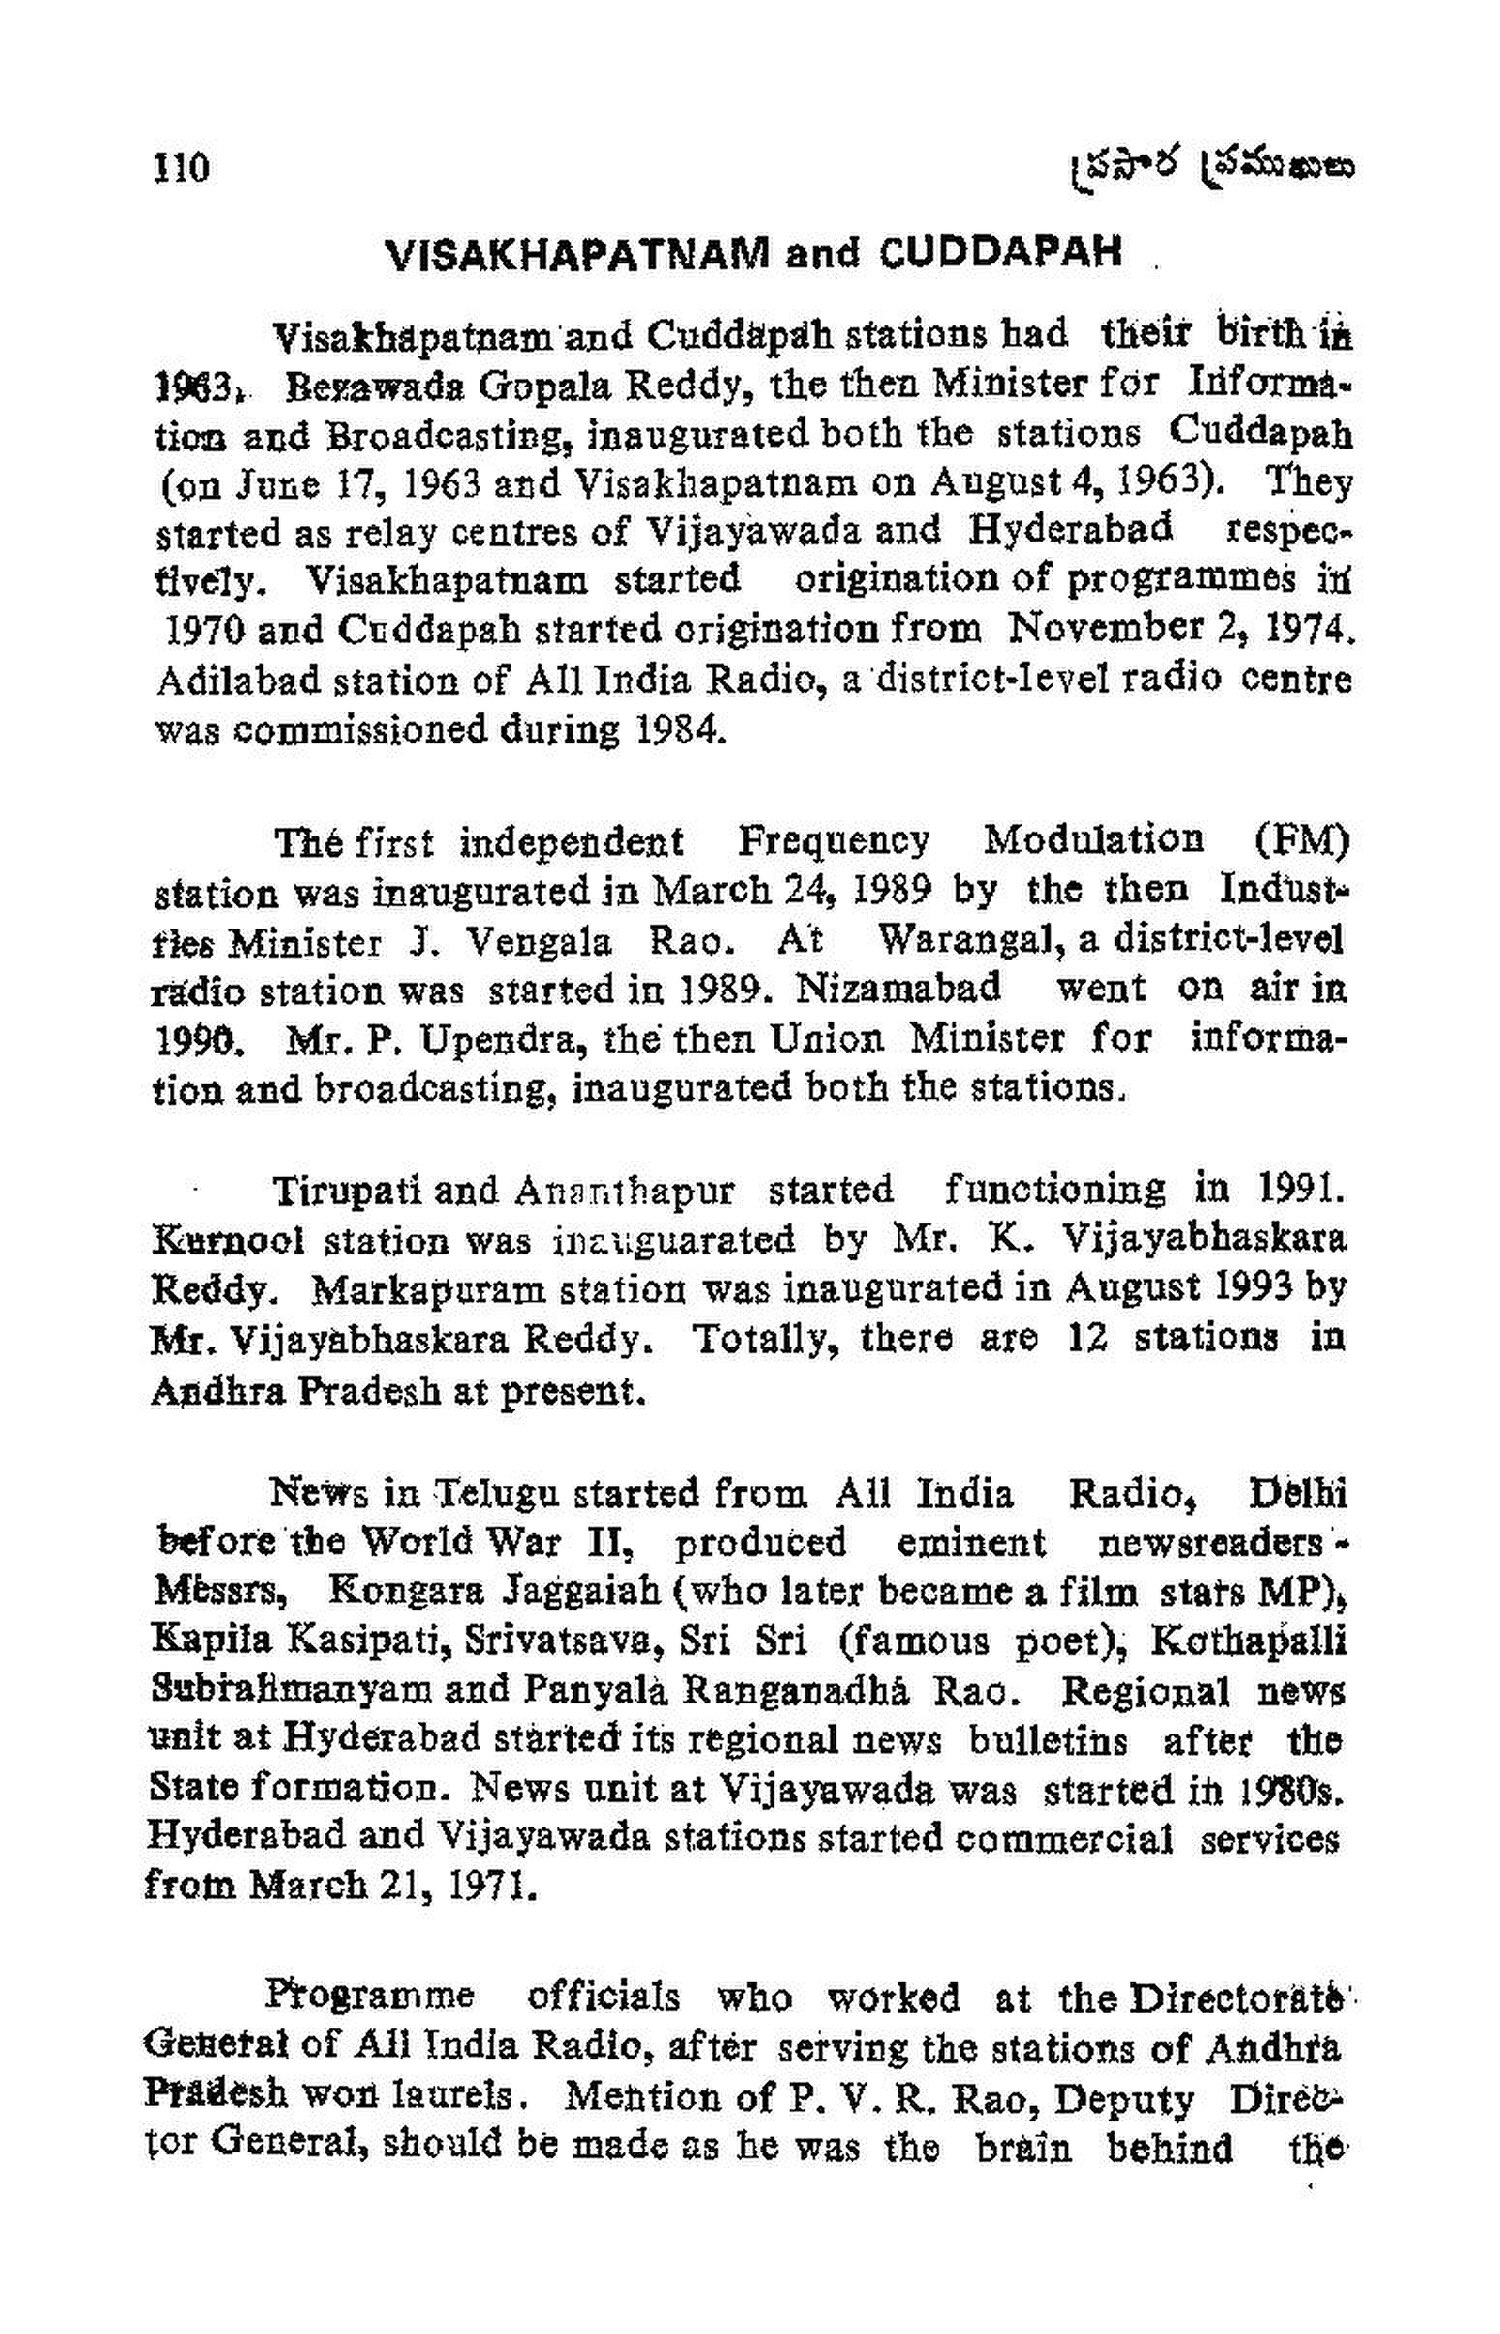Visakhapatnam and Cuddapah stations had their birth in 1963. Bezawada Gopala Reddy, the then Minister for Iriformation and Broadcasting, inaugurated both the stations (Cuddapah on June 17, 1963 and Visakhapatnam on August 4, 1963). They started as relay centres of Vijayawada and Hyderabad retrospectively. Visakhapatnam started origination of programmes in 1970 and Cuddapah started origination from November 2, 1974. Adilabad station of All India Radio, a district-level radio centre was commissioned during 1984.

The first independent Frequency Modulation (FM) station was inaugurated in March 24, 1989 by the then Industries Minister J. Vengala Rao. At Warangal, a district-level radio station was started in 1989. Nizamabad went on air in 1990. Mr. P. Upendra, the then Union Minister for information and broadcasting, inaugurated both the stations.

Tirupati and Ananthapur started functioning in 1991. Kurnool station was inauguarated by Mr. K. Vijayabhaskara Reddy. Markapuram station was inaugurated in August 1993 by Mr. Vijayabhaskara Reddy. Totally, there are 12 stations in Andhra Pradesh at present.

News in Telugu started from All India Radio, Delhi before the World War II, produced eminent
newsreaders Messrs, Kongara Jaggaiah (who later became a film star & MP), Kapila Kasipati, Srivatsava, Sri Sri (famous poet), Kothapalli Subrahmanyam and Panyala Ranganadha Rao. Regional news unit at Hyderabad started its regional news bulletins after the State formation.
News unit at Vijayawada was started in 1980s. Hyderabad and Vijayawada stations started commercial services from March 21, 1971.

Programme officials who worked at the Directorate General of All India Radio, after serving the stations of Andhra Pradesh won laurels. Mention of P. V. R. Rao, Deputy Director General, should be made as he was the brain behind the